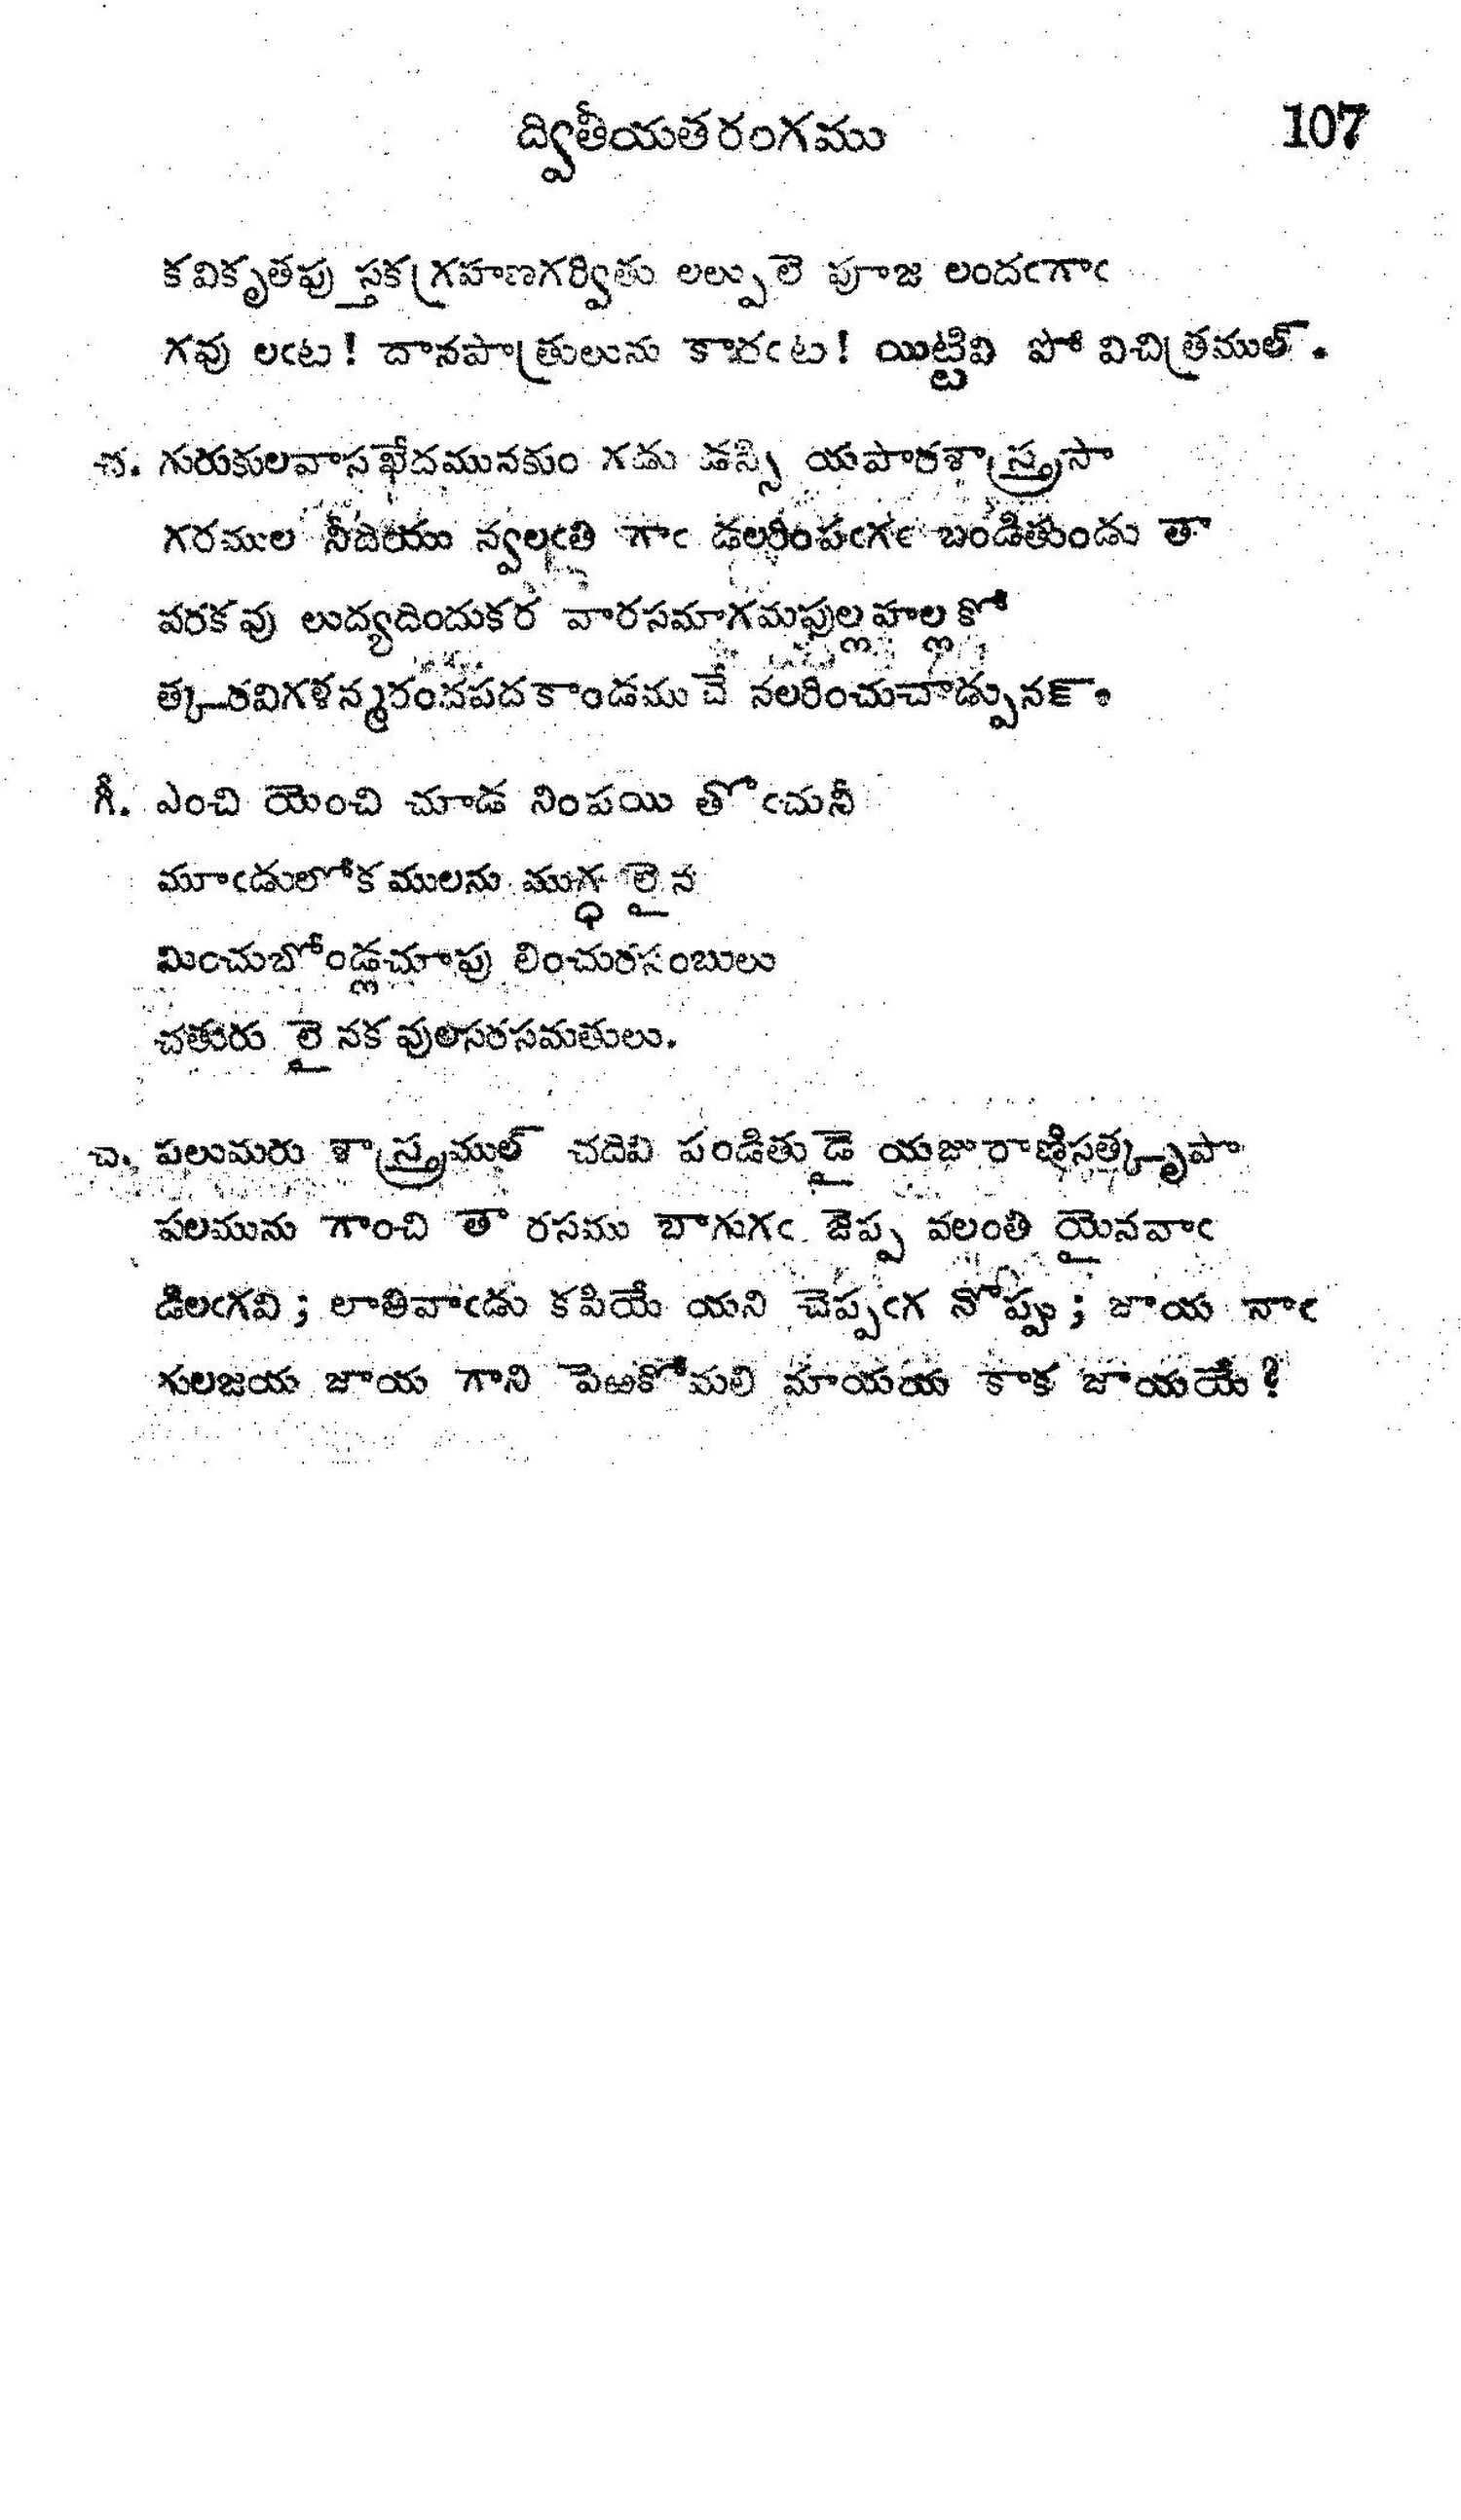కవికృతపుస్తకగ్రహణగర్వితు లల్పులె పూజ లందఁ గాఁ
 గవు లఁట! దానపాత్రులును కారఁట! యిట్టివి పో విచిత్రముల్.

చ. గురుకులవాసఖేదమునకుం గడు డస్సి యపారశాస్త్రసా
 గరముల నీదియు న్వలఁతి గాఁ డలరింపఁగఁ బండితుండు తా
 వరకవు లద్యదిందుకర వారసమాగమఫుల్లహల్లకో
 త్కరవిగవళన్మరందపదకాండముచే నలరించుచాడ్పునన్.

గీ. ఎంచి యెంచి చూడ నింపయి తోఁచు నీ
 మూఁడులోకములను ముగ్ధ లైన
 మించుబోండ్లచూపు లించురసంబులు
 చతురు లైనకవులసరసమతులు.

చ. పలుమరు శాస్త్రముల్ చదివి పండితుఁడై యజురాణిసత్కృపా
 ఫలమును గాంచి తా రసము బాగుగఁ జెప్ప వలంతి యైనవాఁ
 డిలఁగవి; లాతివాఁడు కపియే యని చెప్పఁగ నొప్పు; జాయ నాఁ
 గులజయ జాయ గాని పెఱకోమలి మాయయ కాక జాయయే?